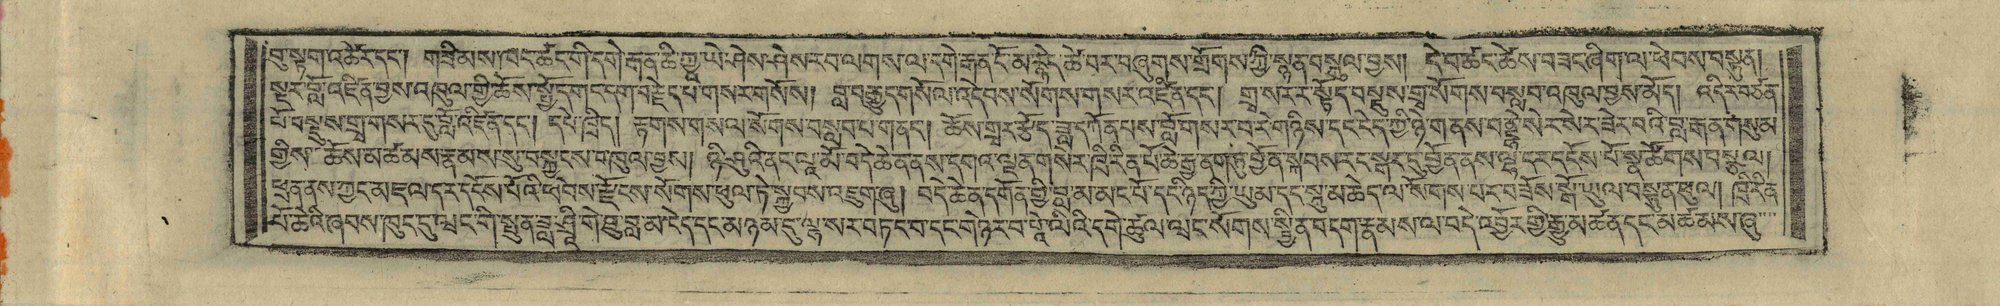བུ་སྟག་འཚེར་དང་། གཟིམས་ཁང་ཚང་གི་དགེ་རྒན་ཆི་ཀྱཱ་ཡེ་ཤེས་ཤེས་རབ་ལགས་ལ་དགེ་རྒན་ངོ་མ་རྙེད་ཚེ་བར་བཞུགས་གྲོགས་ཀྱི་སྙན་བསྐུལ་བྱས། དེ་བ་ཚང་ཚེས་བཟང་ཞིག་ལ་ཕེབས་བསྟུན།
སྔར་བློ་འཛིན་བྱས་འཁུལ་གྱི་ཆོས་སྤྱོད་གང་དག་བརྗེད་པ་གསར་གསོས། བླ་བརྒྱུད་གསོལ་འདེབས་སོགས་གསར་འཛིན་དང་། གྲྭ་སར་ར་སྟོད་བསྡུས་གྲྭ་སོགས་བསླབ་འཁུལ་བྱས་མོད། འདིར་བཙན་
པོ་བསྡུས་གྲྭ་གསར་དུ་བློ་འཛིན་དང་། དཔེ་ཁྲིད། རྟགས་གསལ་སོགས་བསླབ་པ་གནང་། ཆོས་གྲྭར་རྩོད་ཟླ་དཀོན་པས་བློ་གསར་བ་རེ་གཉིས་དང་ངེད་ཀྱི་ཉེ་གནས་པནྡྷེ་སེར་སེར་ཟེར་བའི་བླ་རྒན་གསུམ་
གྱིས་ཆོས་མཚམས་རྣམས་སུ་བསྐྱངས་བ་ཁུལ་བྱས། ཉི་ཤུའི་ནང་ལཱ་མོ་བདེ་ཆེན་ནས་དགའ་ལྡན་གསེར་ཁྲི་རིན་པོ་ཆེ་རྒྱ་ནག་ཏུ་བྱོན་སྐབས་རང་སྒར་དུ་བྱོན་ནས་ལྷ་དར་དངོས་པོ་སྣ་ཚོགས་བསྩལ།
ཕྲན་ནས་ཀྱང་མཇལ་དར་དངོས་པོའི་ཕེབས་རྫོངས་སོགས་ཕུལ་ཏེ་སྐྱབས་འཇུག་ཞུ། བདེ་ཆེན་དགོན་གྱི་བླ་མ་མང་པོ་དང་ཉིད་ཀྱི་ཡུམ་དང་སྐུ་མཆེད་ལ་སོགས་པར་བཟོས་སྒོ་ཡུལ་བསྟུན་ཕུལ། ཁྲི་རིན་
པོ་ཆེའི་ཞབས་ཁུང་དུ་ཝང་གི་སྤུན་ཟླ་ཤྲཱི་གེ་ཐུ་བླ་མ་ངེད་དང་མཉམ་དུ་ལྷ་སར་བཏང་བ་དང་གཉེར་པ་པE་ལིའི་དགེ་ཚུལ་ཝང་སོགས་སྦྱིན་བདག་རྣམས་ལ་བདེ་འབྱོར་གྱི་རྒྱུ་མཚན་དང་མཚམས་ཞུ་